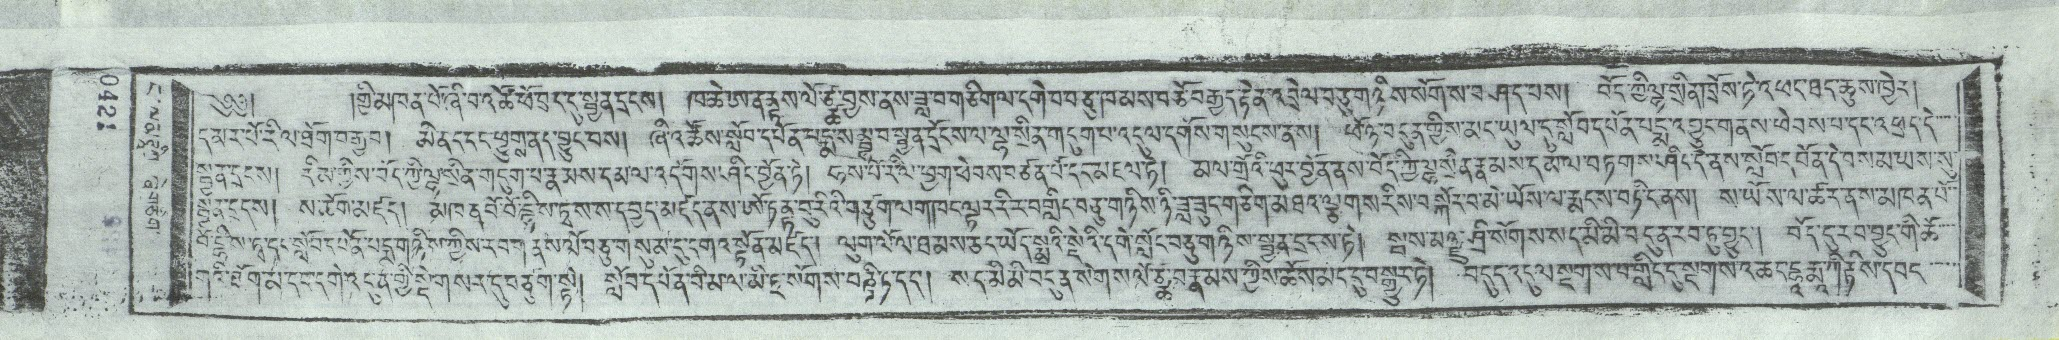༄༅། །གྱི་མཁན་པོ་ཞི་བ་འཚོ་ཕོ་བྲང་དུ་སྦྱན་དྲངས། ཁ་ཆེ་ཨ་ན་ནྟ་ས་ལོ་ཙྪ་བྱས་ནས་ཟླ་བ་གཅིག་ལ་དགེ་བ་བཅུ་ཁམས་བཅོ་བརྒྱད་རྟེན་འབྲེལ་བཅུ་གཉིས་སོགས་བཤད་པས། བོད་ཀྱི་ལྷ་སྲིན་ཁྲོས་ཏེ་འཕང་ཐད་ཆུས་ཁྱེར་
དམར་པོ་རིལ་ཐོག་བརྒྱབ། མི་ནད་དང་ཕྱུགས་ནད་བྱུང་བས། ཞི་འཚོས་སློབ་དཔོན་པདམས་མྦྷ་བ་སྦྱན་དྲོངས་ལ་ལྷ་སྲིན་གདུག་པ་འདུལ་དགོས་གསུངས་ནས། ཕོ་ཉ་བདུན་གྱིས་མང་ཡུལ་དུ་སློབ་དཔོན་པདམ་འབྱུང་གནས་ཕེབས་པ་དང་འཕྲད་དེ་
སྦྱན་དྲངས། རིམ་གྱིས་བོད་ཀྱི་ལྷ་སྲིན་གདུག་པ་རྣམས་དམ་ལ་འདོགས་ཤིང་བྱོན་ཏེ། ཧས་པོ་རིལ་ཕྱག་ཕེབས་བཙན་པོ་དང་མཇལ་ཏེ། མལ་གྲོའི་ཕུར་བྱོན་ནས་བོད་ཀྱི་ལྷ་སྲིན་རྣམས་དམ་བཏགས་ཤིང་དེ་ནས་སློབ་དཔོན་དེ་བསམ་ཡས་སུ་
སྦྱན་དྲངས། ས་ཆོག་མཛད། མཁན་བོ་བོ་དྷི་ས་ཏྭས་ས་དབྱད་མཛད་ནས་ཨོ་ཏ་ནྟ་བུ་རིའི་གཙུག་ལག་ཁང་ལྟར་རིར་བགླིང་བཅུ་གཉིས་ཉི་ཟླ་ཟུང་གཅིག་མཐའ་ལྕགས་རིས་བསྐོར་བ་མེ་ཡོས་ལ་རྨངས་བཏིང་ནས། ས་ཡོས་ལ་ཚར་ནས་མཁན་པོ་
བོ་དབྷིས་ཏྭ་དང་སློབ་དཔོན་པདམ་གཉིས་ཀྱིས་རབ་གནས་ལོ་བཅུ་གསུམ་དུ་དགའ་སྟོན་མཛད། ལུག་ལོ་ལ་ཐམས་ཅད་ཡོད་སྨྲའི་སྡེའི་དགེ་སློང་བཅུ་གཉིས་སྦྱན་དྲངས་ཏེ། སྦས་མཉྫུ་ཤྲི་སོགས་སད་མི་མི་བདུན་རབ་ཏུ་བྱུང་། བོད་དུ་རབ་བྱུང་གི་ཆོ་
གའི་ཐོག་མ་དང་དགེ་འདུན་གྱི་སྡེ་གསར་དུ་བཙུག་སྟེ། སློབ་དཔོན་བི་མ་ལ་མི་ཏྲ་སོགས་བཎྜི་ཏ་དང་། སད་མི་མི་བདུན་སེགས་ལོ་ཙྪ་བ་རྣམས་ཀྱིས་ཆོས་མང་དུ་བསྒྱུར་ཏེ། བདུད་འདུལ་སྔགས་པ་གླིང་དུ་སྔགས་འཆད་བྷཱ་རྨཱ་ཀི་རྟེས་དབང་